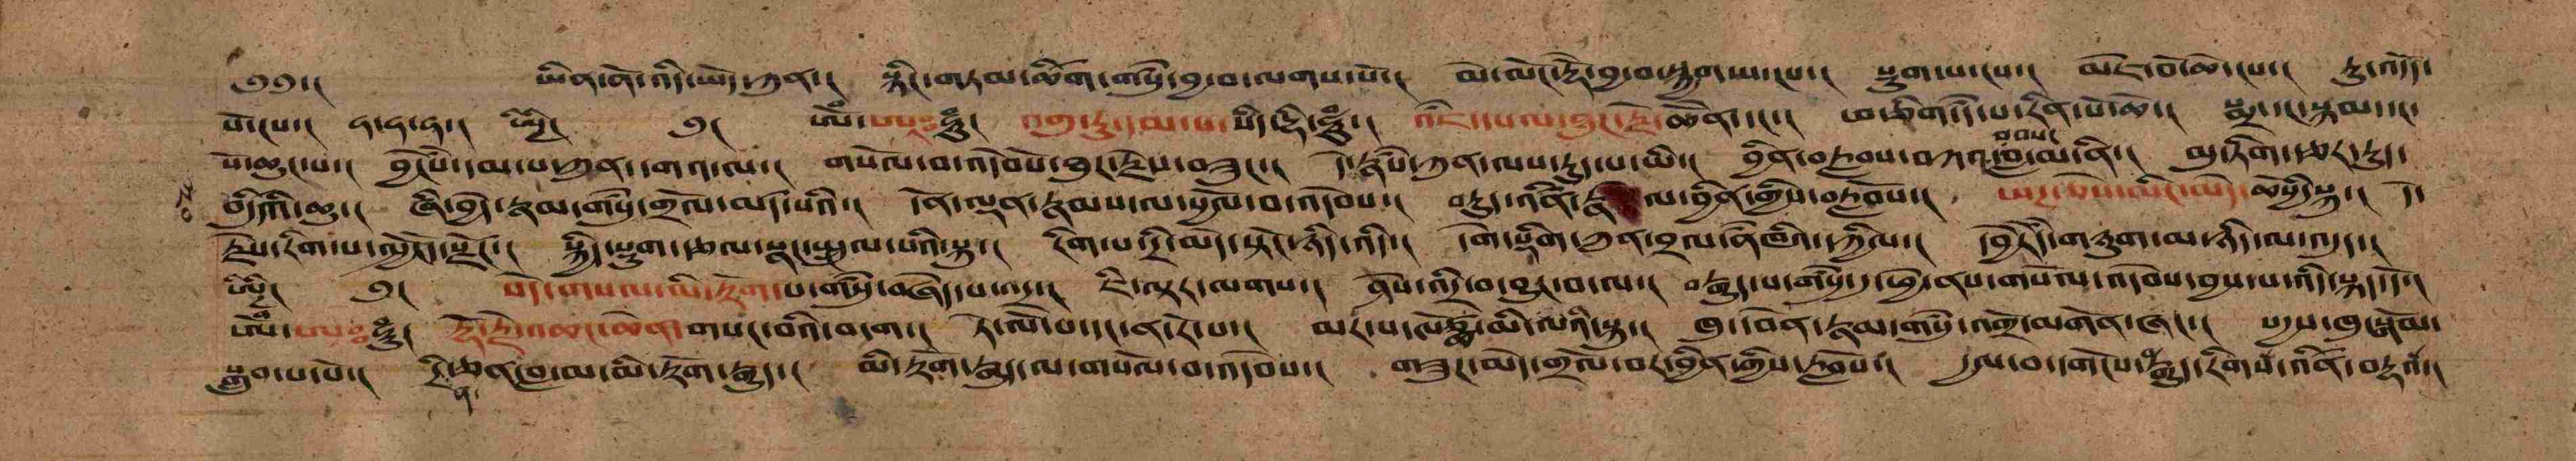༄༅།། ཡིན་ནོ་འདི་ཡོད་ཀུན།། སྙིང་གཏམ་ཚིག་གསུམ་བྱ་བ་ལགས་སོ།། མེ་ལོང་རྡོ་རྗེ་བྱ་བ་སྐྱག་པ་ངས།། སྡུག་པ་ངས།། མཇེ་བོ་ཆེ་ངས།། རྒྱུ་འདོད་
པོ་ངས།། ཧ་ཧ་ཧ། ཨིཊི།། ༄་། ཨོཾ་ཨཱཿཧཱུཾ། འགུ་རུ་དམ་པ་སིད་དྷི་ཧཱུཾ། འཇམ་དཔལ་ཐུགས་རྗེ་ཆེན་པོ་དང་།། ཕ་ཅིག་དམ་པ་རིན་པོ་ཆེ།། སྨྲ་དང་སྐམ་དང་
པོ་ཆུང་པ།། བྱང་སེམས་དམ་པ་ཀན་དགའ་ལ།། གསོལ་བ་འདེབས་སོ་ཐུགས་རྗེས་བཟུང་།། དེ་རྣམས་ཀུན་ལས་བརྒྱུད་པ་ཡི།། བྱིན་རླབས་བཀའ་བབས་བླ་མ་ནི།། མུ་ཏིག་རྩར་རྒྱུད་
བདུད་རྩིའི་ཆུ།། ཞི་བྱེད་རྣམ་གསུམ་གྲོལ་མཛད་པའི།། དོན་ལྡན་རྣམས་ལ་གསོལ་བ་འདེབས།། བརྒྱུད་འཛིན་རྣམས་ལ་བྱིན་གྱིས་རློབས།། ཕཊ་ཅེས་མིང་མེད་ཆོས་ཀྱི་སྐུ།། དེ་
རྗེས་རིག་པ་ལོངས་སྤྱོད་རྫོགས།། སྐྱིད་སྡུག་རྩལ་སྣང་སྤྲུལ་པའི་སྐུ།། རིག་པ་དྲི་མེད་སྟོང་ཉིད་འདི།། དགེ་སྡིག་ཀུན་བྲལ་ནམ་མཁའི་དཀྱིལ།། དབྱེར་མེད་གཉུག་མ་ཉིད་ལ་འདུད།། 
ཨིཊི།། ༄་། བདེ་གསལ་མི་རྟོག་པ་གསུམ་བཞེད་པ་འདྲ།། ཇི་ལྟར་ལགས།། ཤེས་འདྲི་བ་བྱུང་བ་ལ།། བརྒྱུད་པ་གསུམ་དུ་ཕྱེ་ནས་གསོལ་འདེབས་བྱས་པ་འདི་སྐད་དོ།། 
ཨོཾ་ཨཱཿཧཱུཾ། རྡོ་རྗེ་འཆང་ཆེན་གསང་བའི་བདག།། ཏེ་ལོ་པ་དང་ན་རོ་པ།། མར་པ་ལོཙྪ་མིད་ལའི་སྐུ།། ཁུ་དབོན་རྣམ་གསུམ་འགྲོ་མགོན་ཞང་།། སངས་རྒྱས་ཁུ་སྒོམ་
སྒྲུབ་པ་པོ།། དྲིན་ཅན་བླ་མ་མི་རྟོག་རྒྱུད།། མི་རྟོག་རྒྱུད་ལ་གསོལ་བ་འདེབས།། གཟུགས་མེད་གྲོལ་བར་བྱིན་གྱིས་རློབས།། རྒྱལ་བ་དགོངས་བརྒྱུད་རིག་འཛིན་བརྡ།།